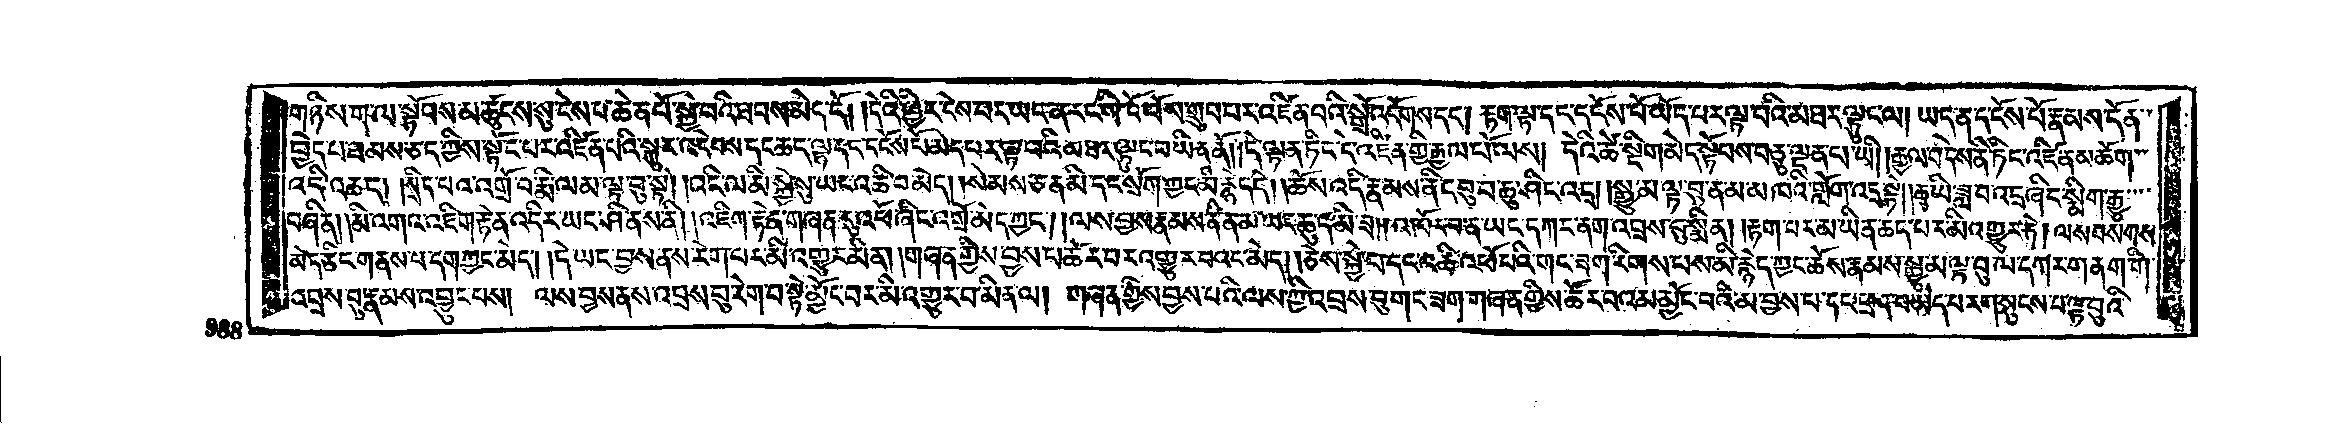གཉིས་ཀ་ལ་སྟོབས་མཚུངས་སུ་ངེས་པ་ཆེན་པོ་སྐྱེ་བའི་ཐབས་མེད་དོ། །དེའི་ཕྱིར་ངེས་པར་ཡང་ན་རང་གི་ངོ་བོས་གྲུབ་པར་འཛིན་པའི་སྒྲོ་འདོགས་དང་། རྟག་ལྟ་དང་དངོས་པོ་ཡོད་པར་ལྟ་བའི་མཐར་ལྟུང་ལ། ཡང་ན་དངོས་པོ་རྣམས་དོན་
བྱེད་པ་ཐམས་ཅད་ཀྱིས་སྟོང་པར་འཛིན་པའི་སྐུར་འདེབས་དང་ཆད་ལྟ་དང་དངོས་པོ་མེད་པར་ལྟ་བའི་མཐར་ལྟུང་བ་ཡིན་ནོ། །དེ་ལྟ་ན་ཏིང་ངེ་འཛིན་གྱི་རྒྱལ་པོ་ལས། དེའི་ཚེ་སྡིག་མེད་སྟོབས་བཅུ་ལྡན་པ་ཡི། །རྒྱལ་བ་དེས་ནི་ཏིང་འཛིན་མཆོག་
འདི་འཆད། །སྲིད་པའི་འགྲོ་བ་རྨི་ལམ་ལྟ་བུ་སྟེ། །འདི་ལ་མི་སྐྱེ་སུ་ཡང་འཆི་བ་མེད། །སེམས་ཅན་མི་དང་སྲོག་ཀྱང་མི་རྙེད་དེ། །ཆོས་འདི་རྣམས་ནི་དབུ་བ་ཆུ་ཤིང་འདྲ། །སྒྱུ་མ་ལྟ་བུ་ནམ་མཁའི་གློག་འདྲ་སྟེ། །ཆུ་ཡི་ཟླ་བ་འདྲ་ཞིང་སྨིག་རྒྱུ་
བཞིན། །མི་འགའ་འཇིག་རྟེན་འདིར་ཡང་ཤི་ནས་ནི། །འཇིག་རྟེན་གཞན་དུ་འཕོ་ཞིང་འགྲོ་མེད་ཀྱང་། །ལས་བྱས་རྣམས་ནི་ནམ་ཡང་ཆུད་མི་ཟ། །འཁོར་བ་ན་ཡང་དཀར་ནག་འབྲས་བུ་སྨིན། །རྟག་པར་མ་ཡིན་ཆད་པར་མི་འགྱུར་ཏེ། །ལས་བསགས་
མེད་ཅིང་གནས་པ་དག་ཀྱང་མེད། །དེ་ཡང་བྱས་ནས་རེག་པར་མི་འགྱུར་མིན། །གཞན་གྱིས་བྱས་པ་ཚོར་བར་འགྱུར་བའང་མེད། །ཅེས་སྐྱེ་བ་དང་འཆི་འཕོ་བའི་གང་ཟག་རིགས་པས་མི་རྙེད་ཀྱང་ཆོས་རྣམས་སྒྱུ་མ་ལྟ་བུ་ལ་དཀར་གནག་གི་
འབྲས་བུ་རྣམས་འབྱུང་བས། ལས་བྱས་ནས་འབྲས་བུ་རེག་པ་སྟེ་མྱོང་བར་མི་འགྱུར་བ་མིན་ལ། གཞན་གྱིས་བྱས་པའི་ལས་ཀྱི་འབྲས་བུ་གང་ཟག་གཞན་གྱིས་ཚོར་བའམ་མྱོང་བའི་མ་བྱས་པ་དང་ཕྲད་པ་མེད་པར་གསུངས་པ་ལྟ་བུའི་